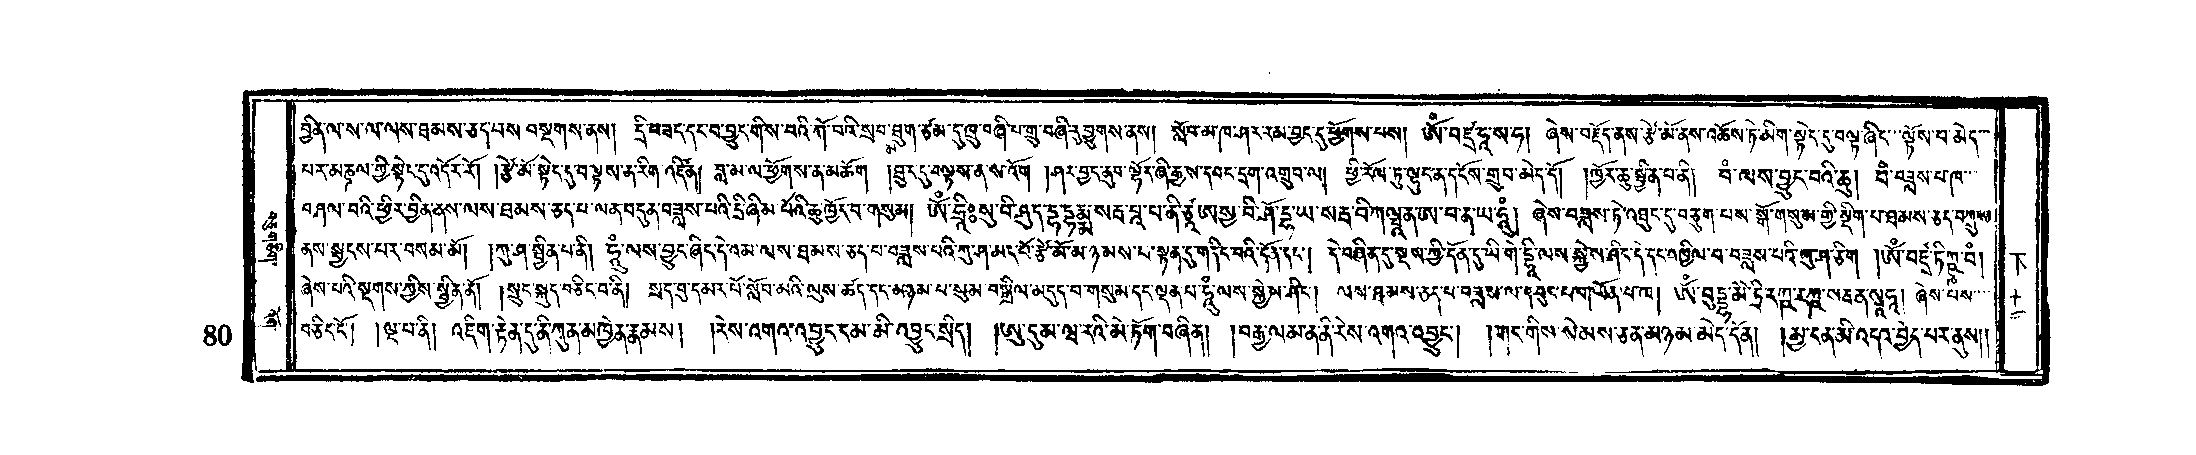བྱིན་ལ་ས་ལ་ལས་ཐམས་ཅད་པས་བསྔགས་ནས། དྲི་བཟང་དང་བ་བྱུང་གིས་བའི་ཀོ་བའི་སྲབ་མ་ཐུག་ཙམ་དུ་ཁྲུ་བཞི་པ་གྲུ་བཞི་རུ་བྱུགས་ནས། སློབ་མ་ཁ་ཤར་རམ་བྱང་དུ་ཕྱོགས་པས། ཨོཾ་བཛྲ་ཧཱ་ས་ཧ། ཞེས་བརྗོད་ནས་རྩེ་མོ་ནས་འཆོས་ཏེ་མིག་སྟེང་དུ་བལྟ་ཞིང་ལྟོས་པ་མེད་
པར་མཎྜལ་གྱི་སྟེང་དུ་འདོར་རོ། །རྩེ་མོ་སྟེང་དུ་བལྟས་ན་རིག་འཛིན། བླ་མ་ལ་ཕྱོགས་ན་མཆོག །ཐུར་དུ་བལྟས་ན་ས་འོག །ཤར་བྱང་ནུབ་ལྷོར་ཞི་རྒྱས་དབང་དྲག་འགྲུབ་ལ། ཕྱི་རོལ་ཏུ་ལྷུང་ན་དངོས་གྲུབ་མེད་དོ། །ཁྱོར་ཆུ་སྦྱིན་པ་ནི། བཾ་ལས་བྱུང་བའི་ཆུ། བཾ་བཟླས་པ་ཁ་
བཤལ་བའི་ཕྱིར་བྱིན་ནས་ལས་ཐམས་ཅད་པ་ལན་བདུན་བཟླས་པའི་དྲི་ཞིམ་པོའི་ཆུ་ཁྱོར་བ་གསུམ། ཨོཾ་ཧྲཱིཿ སུ་བི་ཤུད་དྷ་དྷརྨྨ་སརྦ་པཱ་པ་ནི་ཙཱ་ཨསྱ་བི་ཤོ་དྷ་ཡ་སརྦ་བི་ཀཝཱན་ཨ་པ་ན་ཡ་ཧཱུཾ། ཞེས་བཟླས་ཏེ་འཐུང་དུ་བཅུག་པས་སྒོ་གསུམ་གྱི་སྡིག་པ་ཐམས་ཅད་བཀྲུས་
ནས་སྦྱངས་པར་བསམ་མོ། །ཀུ་ཤ་སྦྱིན་པ་ནི། ཧཱུཾ་ལས་བཡང་ཞིང་དེ་འམ་ལས་ཐམས་ཅད་པ་བཟླས་པའི་ཀུ་ཤ་མང་པོ་རྩེ་མོ་མ་ཉམས་པ་སྟན་དུ་གདིང་བའི་དོན་དང་། དེ་བཞིན་དུ་སྔས་ཀྱི་དོན་དུ་ཡི་གེ་དྷཱི་ལས་སྐྱེས་ཤིང་དེ་དང་འཁྱིལ་བ་བཟླས་པའི་ཀུ་ཤ་ཅིག །ཨོཾ་བཛྲ་ཏིཀྵྞ་བཾ།
ཞེས་པའི་སྔགས་ཀྱིས་སྦྱིན་ནོ། །སྲུང་སྐུད་བཅིང་བ་ནི། སྲད་བུ་དམར་པོ་སློབ་མའི་ལུས་ཚད་དང་མཉམ་པ་སུམ་བསྒྲིལ་མདུད་པ་གསུམ་དང་ལྡན་པ་ཧཱུཾ་ལས་སྐྱེས་ཤིང་། ལས་ཐམས་ཅད་པ་བཟླས་ལ་དབུང་པ་གཡོན་པ་ལ། ཨོཾ་བུདྡྷ་མཻ་ཏྲི་རཀྵ་རཀྵ་སརྦ་ན་སྭཱཧཱ། ཞེས་པས་
བཅིང་ངོ། །ལྔ་པ་ནི། འཇིག་རྟེན་དུ་ནི་ཀུན་མཁྱེན་རྣམས། །རེས་འགའ་འབྱུང་ངམ་མི་འབྱུང་སྲིད། །ཨུ་དུམ་ཝ་རའི་མེ་ཏོག་བཞིན། །བརྒྱ་ལམ་ན་ནི་རེས་འགའ་འབྱུང་། །གང་གིས་སེམས་ཅན་མཉམ་མེད་དོན། །མྱ་ངན་མི་འདའ་བྱེད་པར་ནུས། །